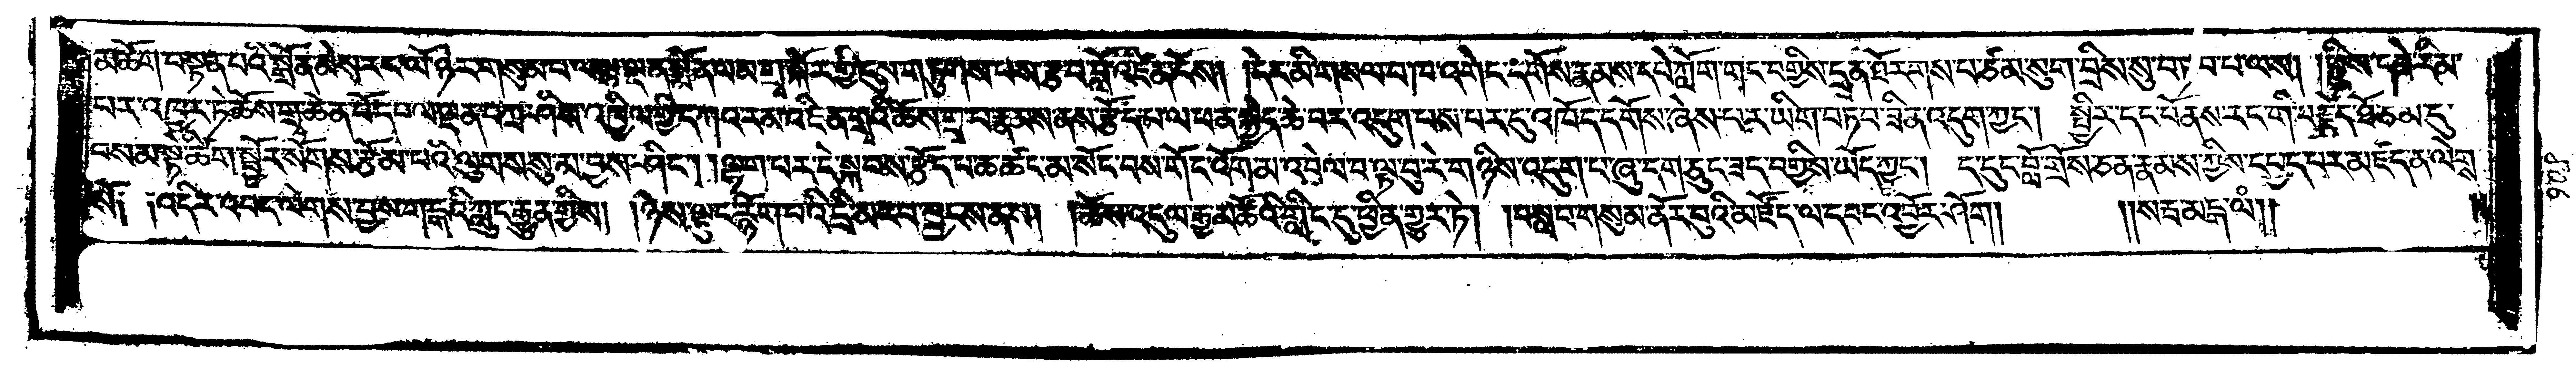མཆོག་བསྟན་པའི་སྒྲོན་མེས་རང་ལོ་ཉེར་གསུམ་པ་ལ་ལྷ་ལྡན་སྨོན་ལམ་གྲྭ་སྐོར་གྱི་དུས་གཏུགས་པས་རྩ་བ་བློ་འཛིན་ངོས། །དེར་མི་གསལ་བ་ཁ་འགེང་དགོས་རྣམས་དཔེ་ཀློག་གང་བགྱིས་དྲན་ཐོ་རགས་པ་ཙམ་སུག་བྲིས་སུ་བཏབ་པ་ལས། །ཕྱིས་དཔེ་རིམ་
པར་འཁྱར་ཏེ་ཆོས་གྲྭ་ཆེན་པོ་དཔལ་ལྡན་བཀྲ་ཤིས་འཁྱིལ་གྱི་དཀའ་རམ་འཛིན་གྲྭའི་ཆོས་གྲྭ་པ་རྣམས་ནས་རྩོད་པ་ལ་ཕན་སྐྱེད་ཆེ་བར་འདུག་པས་བར་དུ་འཁོད་དགོས་ཞེས་པར་ཡིག་བཏབ་ཟིན་འདུག་ཀྱང་། སྤྱིར་དང་པོ་ནས་རང་གི་བརྗེད་ཐོ་ཙམ་དུ་
བསམ་སྟེ་ཚིག་སྦྱོར་སོགས་རྩོམ་པའི་ལུགས་སུ་མ་བྱས་ཤིང་། །ལྷག་པར་དེ་སྐབས་རྩོད་པ་ཆ་ཚང་མ་སོང་བས་གོང་འོག་མ་འབྲེལ་པ་ལྟ་བུ་རེ་གཉིས་འདུག་པ་ཞུ་དག་ཅུང་ཟད་བགྱིས་ཡོད་ཀྱང་། ད་དུང་བློ་གྲོས་ཅན་རྣམས་ཀྱིས་དཔྱད་པར་མཛད་ན་ལེགས་
སོ༑ ༑འདིར་འབད་ལེགས་བྱས་གངྒའི་ཀླུང་རྒྱུན་གྱིས། །ཉེས་ལྟུང་རྙོག་པའི་དྲི་མ་རབ་སྦྱངས་ནས། །ཆོས་འདུལ་རྒྱ་མཚོའི་གླིང་དུ་ཕྱིན་གྱུར་ཏེ། །བསླབ་གསུམ་ནོར་བུའི་མཛོད་ལ་དབང་འབྱོར་ཤོག། །།སརྦ་མངྒ་ལཾ།། །།